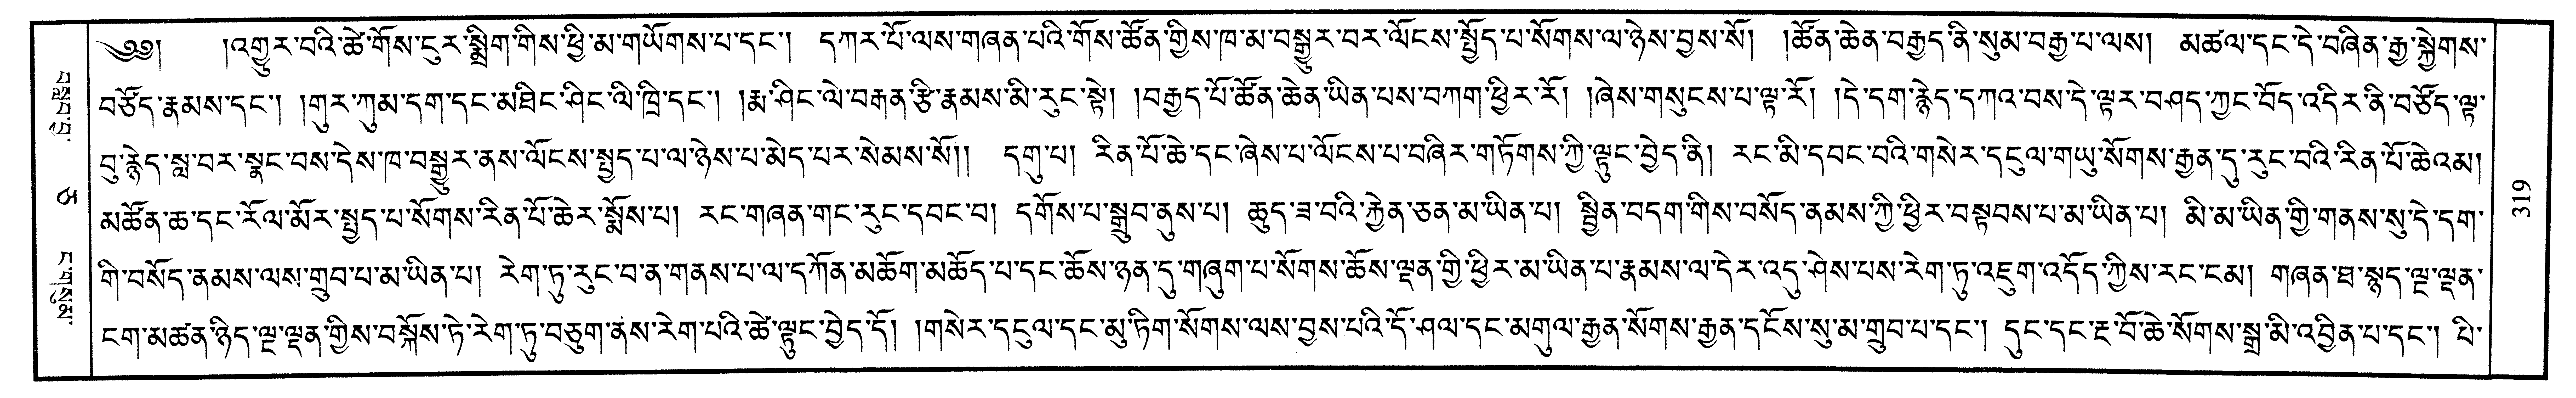༄༅། །འགྱུར་བའི་ཚེ་གོས་ངུར་སྨྲིག་གིས་ཕྱི་མ་གཡོགས་པ་དང་། དཀར་པོ་ལས་གཞན་པའི་གོས་ཚོན་གྱིས་ཁ་མ་བསྒྱུར་བར་ལོངས་སྤྱོད་པ་སོགས་ལ་ཉེས་བྱས་སོ། །ཚོན་ཆེན་བརྒྱད་ནི་སུམ་བརྒྱ་པ་ལས། མཚལ་དང་དེ་བཞིན་རྒྱ་སྐྱེགས་
བཙོད་རྣམས་དང་། །གུར་ཀུམ་དག་དང་མཐིང་ཤིང་ལི་ཁྲི་དང་། །རྨ་ཤིང་ལེ་བརྒན་རྩི་རྣམས་མི་རུང་སྟེ། །བརྒྱད་པོ་ཚོན་ཆེན་ཡིན་པས་བཀག་ཕྱིར་རོ། །ཞེས་གསུངས་པ་ལྟ་རོ། །དེ་དག་རྙེད་དཀའ་བས་དེ་ལྟར་བཤད་ཀྱང་བོད་འདིར་ནི་བཙོད་ལྟ་
བུ་རྙེད་སླ་བར་སྣང་བས་དེས་ཁ་བསྒྱུར་ནས་ལོངས་སྤྱད་པ་ལ་ཉེས་པ་མེད་པར་སེམས་སོ།། དགུ་པ། རིན་པོ་ཆེ་དང་ཞེས་པ་ལོངས་པ་བཞིར་གཏོགས་ཀྱི་ལྟུང་བྱེད་ནི། རང་མི་དབང་བའི་གསེར་དངུལ་གཡུ་སོགས་རྒྱན་དུ་རུང་བའི་རིན་པོ་ཆེའམ།
མཚོན་ཆ་དང་རོལ་མོར་སྤྱད་པ་སོགས་རིན་པོ་ཆེར་སྨོས་པ། རང་གཞན་གང་རུང་དབང་བ། དགོས་པ་སྒྲུབ་ནུས་པ། ཆུད་ཟ་བའི་རྐྱེན་ཅན་མ་ཡིན་པ། སྦྱིན་བདག་གིས་བསོད་ནམས་ཀྱི་ཕྱིར་བསྟབས་པ་མ་ཡིན་པ། མི་མ་ཡིན་གྱི་གནས་སུ་དེ་དག་
གི་བསོད་ནམས་ལས་གྲུབ་པ་མ་ཡིན་པ། རེག་ཏུ་རུང་བ་ན་གནས་པ་ལ་དཀོན་མཆོག་མཆོད་པ་དང་ཆོས་ཉན་དུ་གཞུག་པ་སོགས་ཆོས་ལྡན་གྱི་ཕྱིར་མ་ཡིན་པ་རྣམས་ལ་དེར་འདུ་ཤེས་པས་རེག་ཏུ་འཇུག་འདོད་ཀྱིས་རང་ངམ། གཞན་ཐ་སྙད་ལྔ་ལྡན་
ངག་མཚན་ཉིད་ལྔ་ལྡན་གྱིས་བསྐོས་ཏེ་རེག་ཏུ་བཅུག་ནས་རེག་པའི་ཚེ་ལྟུང་བྱེད་དོ། །གསེར་དངུལ་དང་མུ་ཏིག་སོགས་ལས་བྱས་པའི་དོ་ཤལ་དང་མགུལ་རྒྱན་སོགས་རྒྱན་དངོས་སུ་མ་གྲུབ་པ་དང་། དུང་དང་རྔ་བོ་ཆེ་སོགས་སྒྲ་མི་འབྱིན་པ་དང་། པི་